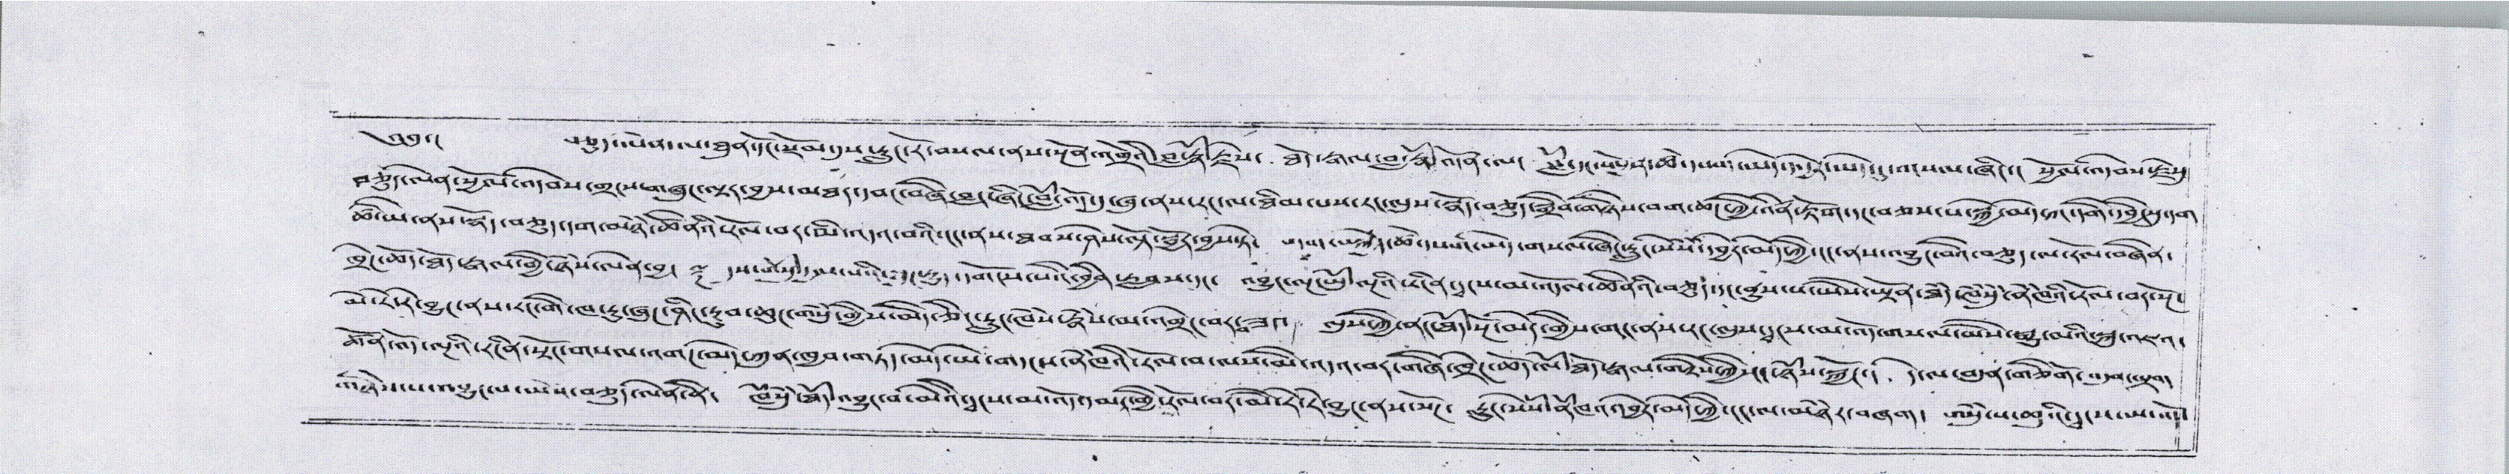༄༅།། བཅུད་ལེན་ལ་ཐུན་དོང་སྡོམ་དུས་རླུང་རོ་བསལ་ནས་སྔོན་འགྲོའི་བླ་མ་རྣམས་རྗེས། ཐོད་རྒལ་བླ་མ་རྣམས་འདོན་ལ། བླ་མ་དང་ཨོ་རྒྱན་ཚེ་དཔག་མེད་དབྱེར་མེད་དུ་གསལ་ཞིང། གསོལ་འདེབས་རྗེས་སུ་
བཅུད་ལེན་གསོལ་འདེབས་གྲངས་གཞུང་ལྟར་བྱས་མཐར་དབང་བཞིན་བླང་ཞིང་བླ་མ་འོད་དུ་ཞུ་ནས་རང་ལ་ཐིམ་པས་རང་ལུས་སྣོད་བཅུད་སྒྲིབ་གཉིས་བག་ཆགས་ཀྱི་འཛིན་རྟོག་དང་བཅས་པ་སྐྱེ་མེད་ཀ་དག་གི་དབྱིངས་སུ་དག་
ཚེ་ཡེ་ནས་སྣོད་བཅུད་དག་མཉམ་ཆེན་པོའི་རོལ་བར་མི་འདའ་བའི་ངང་ནས་ཐབས་ཤེས་ལྟོ་སྦྱོར་བྱས་སྟེ། བདག་བསྐྱེད་ཚེ་དཔག་མེད་གསལ་ཞིང་རླུང་སེམས་དབྱེར་མེད་ཀྱི་ངང་ནས་འབྱུང་བའི་བཅུད་ལ་རོལ་བཞིན་
ཁྲེགས་ཆོད་ཐོང་རྒལ་གྱི་ཉམས་ལེན་བྱ། ༑ དུས་གསུམ་རྒྱལ་བའི་གདུང་རྒྱུད་དགོངས་པའི་བྱིན་རླབས་དང། འབྱུང་ལྔ་ཡུམ་ལྔའི་རང་བཞིན་དྭངས་མ་འདོལ་ཆེན་པོའི་བཅུད་དང་ནུས་པ་ཡེ་ཤེས་ཡོན་ཏན་ཐམས་ཅད་ཁམས་གསུམ་ནམ་མཁའི་རོལ་བར་སྔོ་
མེ་རེ་རེ་བྱུང་ནས་རང་གི་ཁ་རུ་ཞུགས་ཤིང་རྔུབ་ཆུང་གསུམ་གྱིས་མིད་ཅིང་རླུང་ཁམས་རྣམས་མ་འགྲེང་བར་བཟའ། ལུས་ཀྱི་ནང་ཐམས་ཅད་སྔོ་མེར་གྱིས་གང་ནས་རང་ལུས་དྭངས་མ་འདོ་གསལ་ཡེ་ཤེས་སྒྱུ་མའི་སྐུ་འཇའ་
ཚོན་འོད་ལྔའི་རང་བཞིན་སྟོང་གསལ་འགགས་མེད་ཀུན་ཁྱབ་གཏད་མེད་ཡེ་གདངས་ནམ་མཁའི་རོལ་བ་ལས་མི་འདའ་བར་གཞི་ཁྲེགས་ཆོད་ལམ་ཐོད་རྒལ་གཉིས་ཀྱི་ངང་ཉམས་སྐྱོང། དེ་ལ་བདུན་གཅིག་གོ་བདུན་ཕྲག་
གཉིས་པ་འབྱུང་བ་ཡེས་ཤེས་བཅུད་ལེན་ནི། ཁམས་གསུམ་ཐམས་ཅད་འབྱུང་བ་མེའི་དྭངས་མ་འོད་དམར་གྱི་རོལ་བར་མེ་རེ་རེ་བྱུང་ནས་སོགས། རླུང་སེམས་ནམ་མཁའ་འབྱེར་མེད་ཀྱི་ངང་ལ་མཉམ་པར་བཞག གསུམ་པ་ཆུའི་དྭངས་མ་འོད་